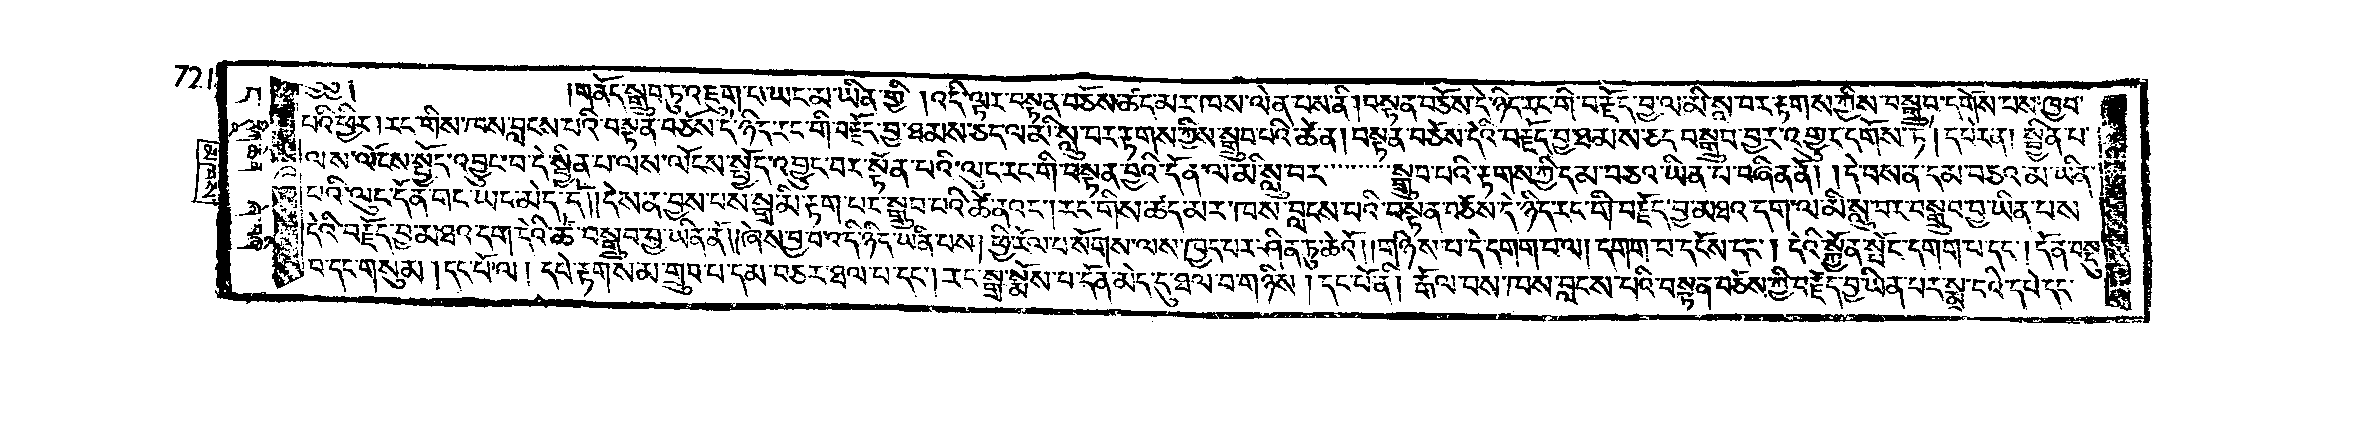༄༅། །གནོད་སྒྲུབ་ཏུ་འཇུག་པ་ཡང་མ་ཡིན་གྱི། འདི་ལྟར་བསྟན་བཅོས་ཚད་མར་ཁས་ལེན་པས་ནི། བསྟན་བཅོས་དེ་ཉིད་རང་གི་བརྗོད་བྱ་ལ་མི་སླུ་བར་རྟགས་ཀྱིས་བསྒྲུབ་དགོས་པས་ཁྱབ་
པའི་ཕྱིར། རང་གིས་ཁས་བླངས་པའི་བསྟན་བཅོས་དེ་ཉིད་རང་གི་བརྗོད་བྱ་ཐམས་ཅད་ལ་མི་སླུ་བར་རྟགས་ཀྱིས་སྒྲུབ་པའི་ཚེ་ན། བསྟན་བཅོས་དེའི་བརྗོད་བྱ་ཐམས་ཅད་བསྒྲུབ་བྱར་འགྱུར་དགོས་ཏེ། དཔེར་ན། སྦྱིན་པ་
ལས་ལོངས་སྤྱོད་འབྱུང་བ་དེ་སྦྱིན་པ་ལས་ལོངས་སྤྱོད་འབྱུང་བར་སྟོན་པའི་ལུང་རང་གི་བསྟན་བྱའི་དོན་ལ་མི་སླུ་བར་སྒྲུབ་པའི་རྟགས་ཀྱི་དམ་བཅའ་ཡིན་པ་བཞིན་ནོ། །དེ་བས་ན་དམ་བཅའ་མ་ཡིན་
པའི་ལུང་དོན་གང་ཡང་མེད་དོ། །དེས་ན་བྱས་པས་སྒྲ་མི་རྟག་པར་སྒྲུབ་པའི་ཚེ་ནའང་། རང་གིས་ཚད་མར་ཁས་བླངས་པའི་བསྟན་བཅོས་དེ་ཉིད་རང་གི་བརྗོད་བྱ་མཐའ་དག་ལ་མི་སླུ་བར་བསྒྲུབ་བྱ་ཡིན་པས་
དེའི་བརྗོད་བྱ་མཐའ་དག་དེའི་ཚེ་བསྒྲུབ་བྱ་ཡིན་ནོ། །ཞེས་བྱ་བ་འདི་ཉིད་ཡིན་པས། ཕྱི་རོལ་བ་སོགས་ལས་ཁྱད་པར་ཤིན་ཏུ་ཆེའོ། །གཉིས་པ་དེ་དགག་པ་ལ། དགག་པ་དངོས་དང་། དེའི་སྐྱོན་སྤོང་དགག་པ་དང་། དོན་བསྡུ་
བ་དང་གསུམ། དང་པོ་ལ། དཔེ་རྟགས་མ་གྲུབ་པ་དམ་བཅར་ཐལ་བ་དང་། རང་སྒྲ་སྨོས་པ་དོན་མེད་དུ་ཐལ་བ་གཉིས། དང་པོ་ནི། རྒོལ་བས་ཁས་བླངས་པའི་བསྟན་བཅོས་ཀྱི་བརྗོད་བྱ་ཡིན་པར་སྨྲ་བའི་དཔེ་དང་